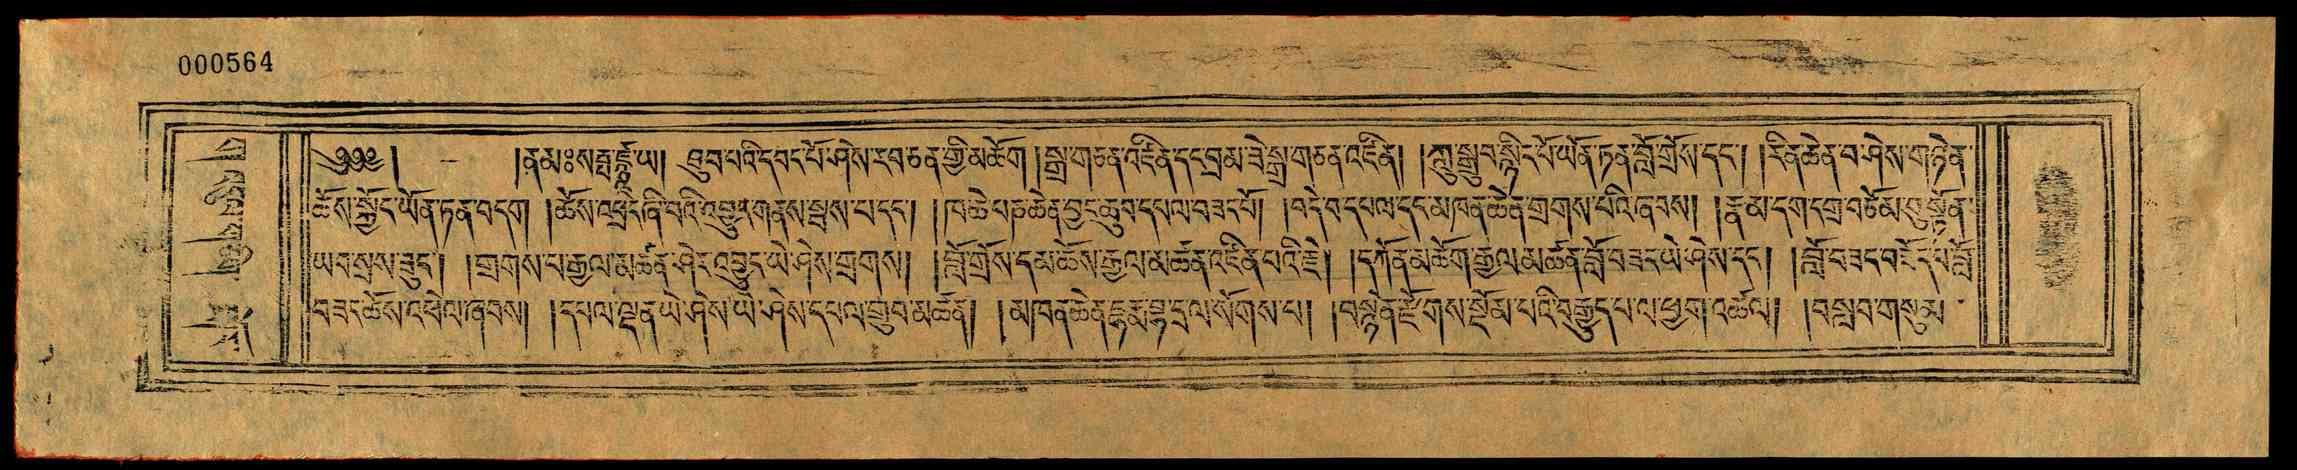༄༅༅། །ནམཿ སརྦྦ་ཛྙཱ་ཡ། ཐུབ་པའི་དབང་པོ་ཤེས་རབ་ཅན་གྱི་མཆོག །སྒྲ་གཅན་འཛིན་དང་བྲམ་ཟེ་སྒྲ་གཅན་འཛིན། །ཀླུ་སྒྲུབ་སྙིང་པོ་ཡོན་ཏན་བློ་གྲོས་དང་། །རིན་ཆེན་བཤེས་གཉེན་
ཆོས་སྐྱོང་ཡོན་ཏན་བདག །ཆོས་འཕྲེང་ཞི་བའི་འབྱུང་གནས་སྦས་པ་དང་། །ཁ་ཆེ་པཎ་ཆེན་བྱང་ཆུབ་དཔལ་བཟང་པོ། །བདེ་བ་དཔལ་དང་མཁན་ཆེན་གྲགས་པའི་ཞབས། །རྣམ་དག་དགྲ་བཅོམ་བུ་སྟོན་
ཡབ་སྲས་ཟུང་། །གྲགས་པ་རྒྱལ་མཚན་ཤེར་འབྱུང་ཡེ་ཤེས་གྲགས། །བློ་གྲོས་དམ་ཆོས་རྒྱལ་མཚན་འཛིན་པའི་རྗེ། །དཀོན་མཆོག་རྒྱལ་མཚན་བློ་བཟང་ཡེ་ཤེས་དང་། །བློ་བཟང་བཟོད་པ་བློ་
བཟང་ཆོས་འཕེལ་ཞབས། །དཔལ་ལྡན་ཡེ་ཤེས་ཡེ་ཤེས་དཔལ་གྲུབ་མཚན། །མཁན་ཆེན་དྷརྨ་བྷ་དྲ་ལ་སོགས་པ། །བསྙེན་རྫོགས་སྡོམ་པའི་བརྒྱུད་པ་ལ་ཕྱག་འཚལ། །བསླབ་གསུམ་